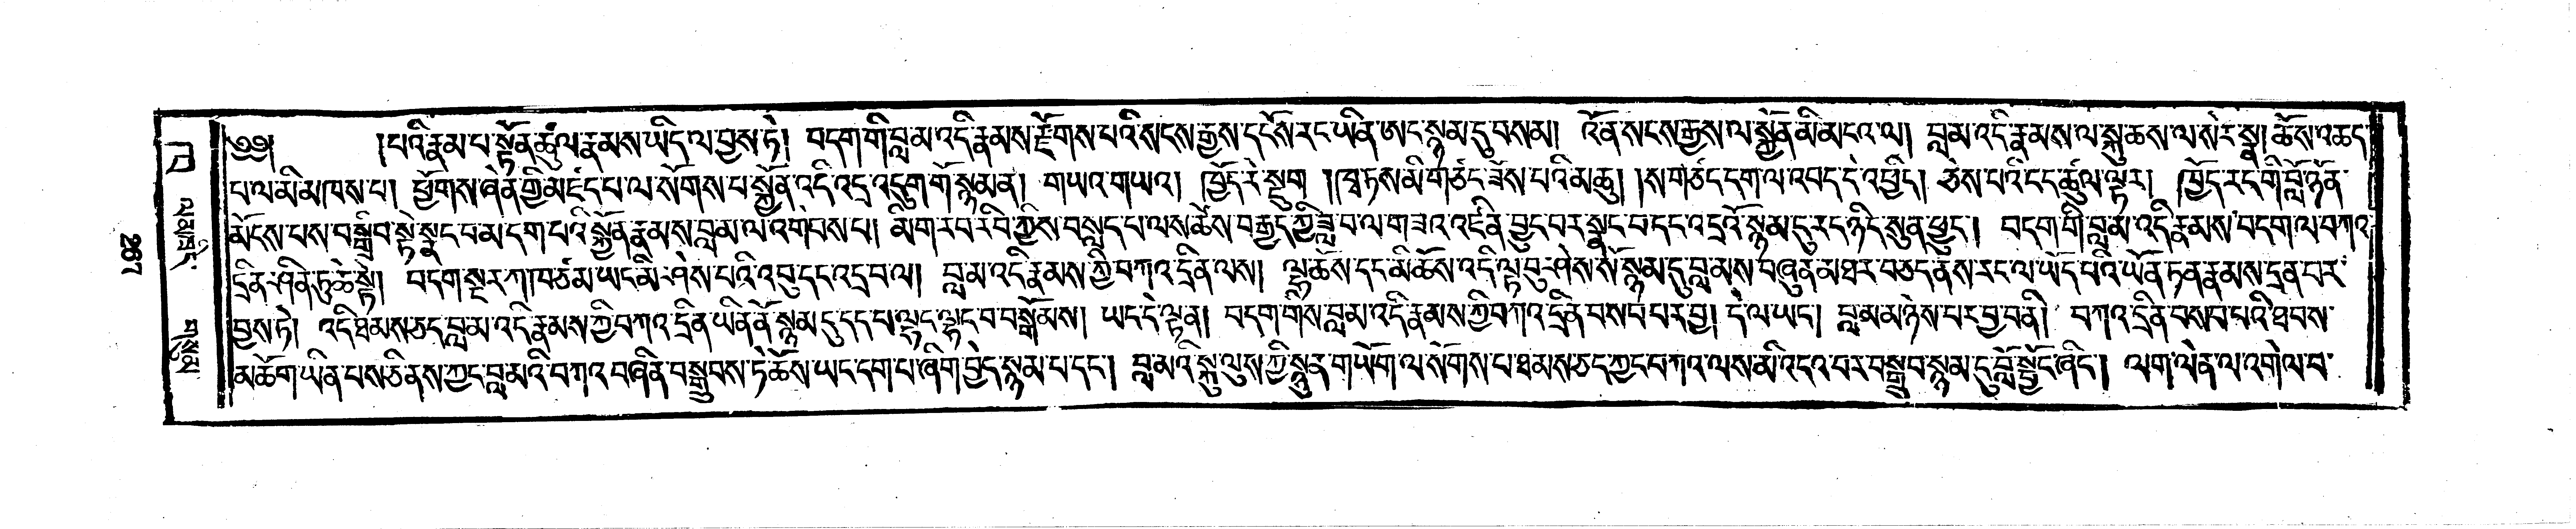༄༅། །པའི་རྣམ་པ་སྟོན་ཚུལ་རྣམས་ཡིད་ལ་བྱས་ཏེ། བདག་གི་བླ་མ་འདི་རྣམས་རྫོགས་པའི་སངས་རྒྱས་དངོས་རང་ཡིན་ཨང་སྙམ་དུ་བསམ། འོ་ན་སངས་རྒྱས་ལ་སྐྱོན་མི་མངའ་ལ། བླ་མ་འདི་རྣམས་ལ་སྐུ་ཆས་ལ་སེར་སྣ། ཆོས་འཆད་
པ་ལ་མི་མཁས་པ། ཕྱོགས་ཞེན་གྱི་མཛད་པ་ལ་སོགས་པ་སྐྱོན་འདི་འདྲ་འདུག་གོ་སྙམ་ན། གཡའ་གཡཱ། ཁྱོད་རེ་སྡུག །ཁྭ་ཏས་མི་གཙང་ཟོས་པའི་མཆུ། །ས་གཙང་དག་ལ་འབད་དེ་འཕྱིད། ཅེས་པའི་ངང་ཚུལ་ལྟར། ཁྱོད་རང་གི་བློ་ཉོན་
མོངས་པས་བསྒྲིབ་སྟེ་སྣང་པ་མ་དག་པའི་སྐྱོན་རྣམས་བླ་མ་ལ་འགེབས་པ། མིག་རབ་རིབ་ཀྱིས་བསླད་པ་ལས་ཚེས་བརྒྱད་ཀྱི་ཟླ་བ་ལ་གཟའ་འཛིན་བྱུང་བར་སྣང་བ་དང་འདྲའོ་སྙམ་དུ་རང་ཉིད་སུན་ཕྱུང་། བདག་གི་བླ་མ་འདི་རྣམས་བདག་ལ་བཀའ་
དྲིན་ཤིན་ཏུ་ཆེ་སྟེ། བདག་སྔར་ཀ་ཁ་ཙམ་ཡང་མི་ཤེས་པའི་འབུ་དང་འདྲ་བ་ལ། བླ་མ་འདི་རྣམས་ཀྱི་བཀའ་དྲིན་ལས། ལྷ་ཆོས་དང་མི་ཆོས་འདི་ལྟ་བུ་ཤེས་སོ་སྙམ་དུ་བླ་མས་བཞུན་མཐར་བཅད་ནས་རང་ལ་ཡོད་པའི་ཡོན་ཏན་རྣམས་དྲན་པར་
བྱས་ཏེ། འདི་ཐམས་ཅད་བླ་མ་འདི་རྣམས་ཀྱི་བཀའ་དྲིན་ཡིན་ནོ་སྙམ་དུ་དད་པ་ལྷང་ལྷང་བ་བསྒོམས། ཡང་དེ་ལྟ་ན། བདག་གིས་བླ་མ་འདི་རྣམས་ཀྱི་བཀའ་དྲིན་བསབ་པར་བྱ། དེ་ལ་ཡང་། བླ་མ་མཉེས་པར་བྱ་བ་ནི། བཀའ་དྲིན་བསབ་པའི་ཐབས་
མཆོག་ཡིན་པས་ཅི་ནས་ཀྱང་བླ་མའི་བཀའ་བཞིན་བསྒྲུབས་ཏེ་ཆོས་ཡང་དག་པ་ཞིག་བྱེད་སྙམ་པ་དང་། བླ་མའི་སྐུ་ལུས་ཀྱི་སྙུན་གཡོག་ལ་སོགས་པ་ཐམས་ཅད་ཀྱང་བཀའ་ལས་མི་འདའ་བར་བསྒྲུབ་སྙམ་དུ་བློ་སྤྱོང་ཞིང་། ལག་ལེན་ལ་འགེལ་བ་